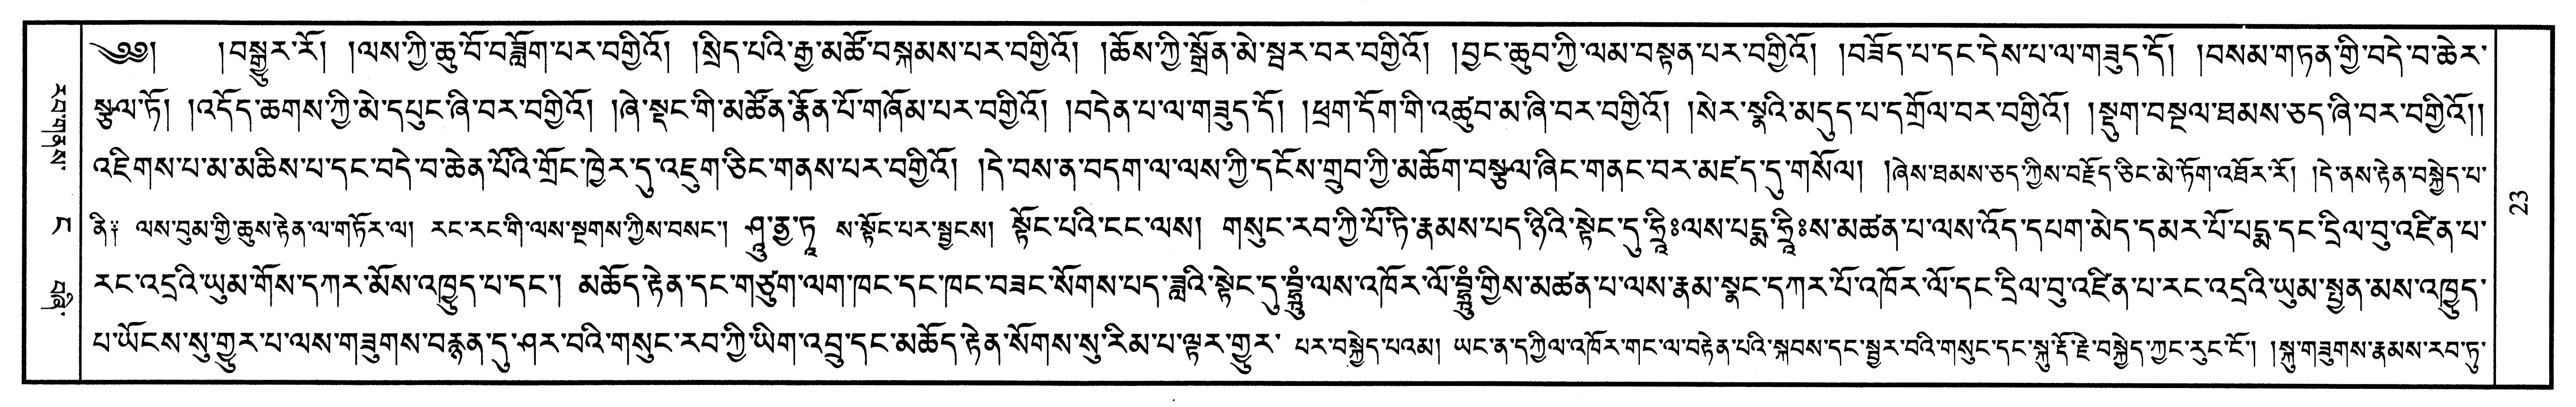༄༅། །བསྒྱུར་རོ། །ལས་ཀྱི་ཆུ་བོ་བཟློག་པར་བགྱིའོ། །སྲིད་པའི་རྒྱ་མཚོ་བསྐམས་པར་བགྱིའོ། །ཆོས་ཀྱི་སྒྲོན་མེ་སྦར་བར་བགྱིའོ། །བྱང་ཆུབ་ཀྱི་ལམ་བསྟན་པར་བགྱིའོ། །བཟོད་པ་དང་དེས་པ་ལ་གཟུད་དོ། །བསམ་གཏན་གྱི་བདེ་བ་ཆེར་
སྩལ་ཏོ། །འདོད་ཆགས་ཀྱི་མེ་དཔུང་ཞི་བར་བགྱིའོ། །ཞེ་སྡང་གི་མཚོན་རྣོན་པོ་གཞོམ་པར་བགྱིའོ། །བདེན་པ་ལ་གཟུད་དོ། །ཕྲག་དོག་གི་འཚུབ་མ་ཞི་བར་བགྱིའོ། །སེར་སྣའི་མདུད་པ་དགྲོལ་བར་བགྱིའོ། །སྡུག་བསྔལ་ཐམས་ཅད་ཞི་བར་བགྱིའོ།།
འཇིགས་པ་མ་མཆིས་པ་དང་བདེ་བ་ཆེན་པོའི་གྲོང་ཁྱེར་དུ་འཇུག་ཅིང་གནས་པར་བགྱིའོ། །དེ་བས་ན་བདག་ལ་ལས་ཀྱི་དངོས་གྲུབ་ཀྱི་མཆོག་བསྩལ་ཞིང་གནང་བར་མཛད་དུ་གསོལ། །ཞེས་ཐམས་ཅད་ཀྱིས་བརྗོད་ཅིང་མེ་ཏོག་འཐོར་རོ། །དེ་ནས་རྟེན་བསྐྱེད་པ་
ནི༑ ལས་བུམ་གྱི་ཆུས་རྟེན་ལ་གཏོར་ལ། རང་རང་གི་ལས་སྔགས་ཀྱིས་བསང་། ཤཱུ་ནྱ་ཏཱ་ས་སྟོང་པར་སྦྱངས། སྟོང་པའི་ངང་ལས། གསུང་རབ་ཀྱི་པོ་ཏི་རྣམས་པད་ཉིའི་སྟེང་དུ་ཧྲཱིཿ ལས་པདམ་ཧྲཱིཿ ས་མཚན་པ་ལས་འོད་དཔག་མེད་དམར་པོ་པདམ་དང་དྲིལ་བུ་འཛིན་པ་
རང་འདྲའི་ཡུམ་གོས་དཀར་མོས་འཁྱུད་པ་དང་། མཆོད་རྟེན་དང་གཙུག་ལག་ཁང་དང་ཁང་བཟང་སོགས་པད་ཟླའི་སྟེང་དུ་བྷྲཱུཾ་ལས་འཁོར་ལོ་བྷྲཱུཾ་གྱིས་མཚན་པ་ལས་རྣམ་སྣང་དཀར་པོ་འཁོར་ལོ་དང་དྲིལ་བུ་འཛིན་པ་རང་འདྲའི་ཡུམ་སྤྱན་མས་འཁྱུད་
པ་ཡོངས་སུ་གྱུར་པ་ལས་གཟུགས་བརྙན་དུ་ཤར་བའི་གསུང་རབ་ཀྱི་ཡིག་འབྲུ་དང་མཆོད་རྟེན་སོགས་སུ་རིམ་པ་ལྟར་གྱུར་པར་བསྐྱེད་པའམ། ཡང་ན་དཀྱིལ་འཁོར་གང་ལ་བརྟེན་པའི་སྐབས་དང་སྦྱར་བའི་གསུང་དང་སྐུ་རྡོ་རྗེ་བསྐྱེད་ཀྱང་རུང་ངོ། །སྐུ་གཟུགས་རྣམས་རབ་ཏུ་